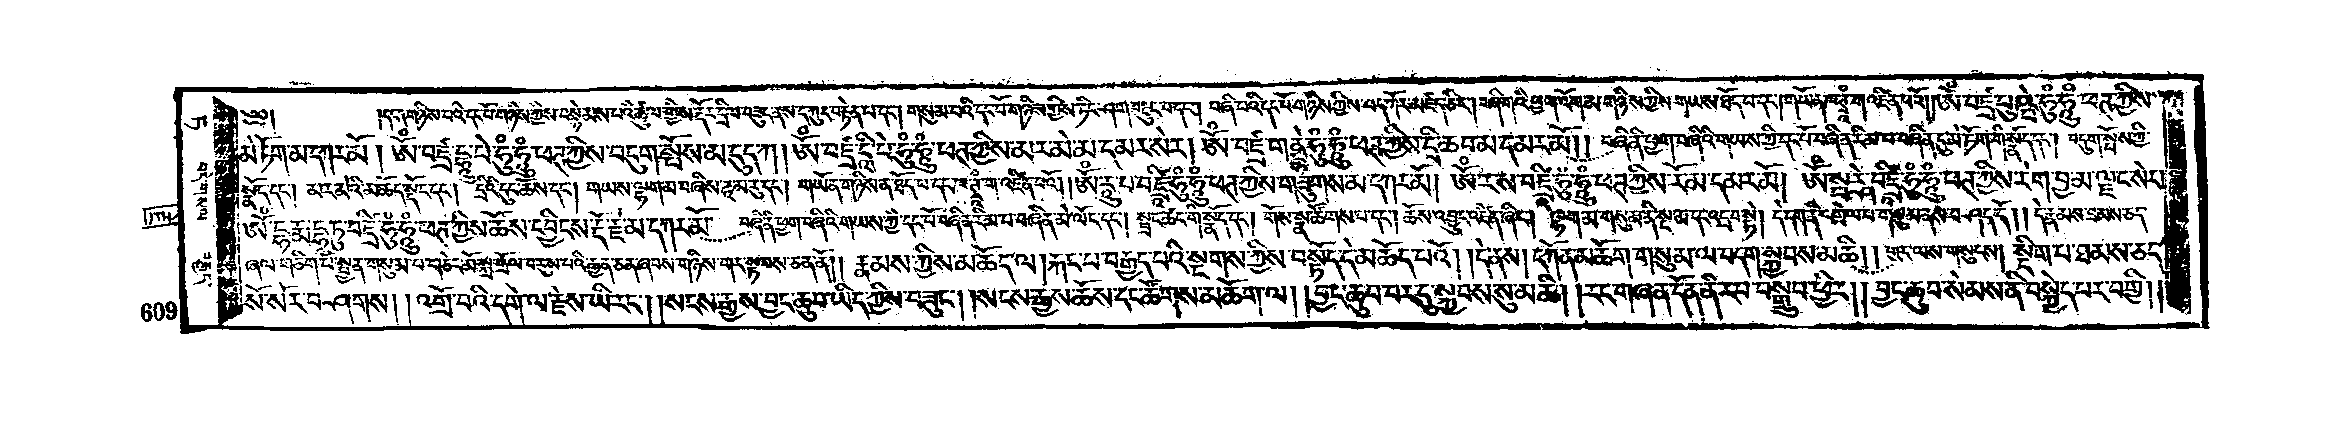༄༅། །དང་། གཉིས་པའི་དང་པོ་གཉིས་ཀྱིས་བསྙེམས་པའི་ཚུལ་གྱིས་རྡོར་དྲིལ་བཟུང་ནས་དཀུར་བརྟེན་པ་དང་། གསུམ་པའི་དང་པོ་གཉིས་ཀྱིས་ཏིང་ཤག་བརྡུང་བ་དང་། བཞི་པའི་དང་པོ་གཉིས་ཀྱིས་པད་ཀོར་མཛད་ཅིང་། བཞི་གའི་ཕྱག་འོག་མ་གཉིས་ཀྱིས་གཡས་ཐོད་པ་དང་། གཡོན་ཁ་ཊྭཱཾ་ག་འཛིན་པའོ། །ཨོཾ་བཛྲ་པུཥྤེ་ཧུཾ་ཧཱུཾ་ཕཊ་ཀྱིས་
མེ་ཏོག་མ་དཀར་མོ། ཨོཾ་བཛྲ་དྷཱུ་པེ་ཧུཾ་ཧཱུཾ་ཕཊ་ཀྱིས་བདུག་སྤོས་མ་དུད་ཀ། ཨོཾ་བཛྲ་དཱི་པེ་ཧུཾ་ཧཱུཾ་ཕཊ་ཀྱིས་མར་མེ་མ་དམར་སེར། ཨོཾ་བཛྲ་གནྡྷེ་ཧུཾ་ཧཱུཾ་ཕཊ་ཀྱིས་དྲི་ཆབ་མ་དམར་མོ། །བཞི་ནི་ཕྱག་བཞིའི་གཡས་ཀྱི་དང་པོ་བཞིན་རིམ་པ་བཞིན་དུ་མེ་ཏོག་གི་སྣོད་དང་། བདུག་སྤོས་ཀྱི་
སྣོད་དང་། མར་མེའི་མཆོད་སྡོང་དང་། དྲིའི་དུང་ཆོས་དང་། གཡས་ལྷག་མ་བཞིས་ཌཱ་མ་རུ་དང་། གཡོན་གཉིས་ན་ཐོད་པ་དང་ཁ་ཊྭཱཾ་ག་འཛིན་པའོ། །ཨོཾ་རཱུ་པ་བཛྲཱི་ཧུཾ་ཧཱུཾ་ཕཊ་ཀྱིས་གཟུགས་མ་དཀར་མོ། ཨོཾ་ར་ས་བཛྲཱི་ཧུཾ་ཧཱུཾ་ཕཊ་ཀྱིས་རོ་མ་དམར་མོ། ཨོཾ་སྤརྴེ་བཛྲཱི་ཧུཾ་ཧཱུཾ་ཕཊ་ཀྱིས་རེག་བྱ་མ་ལྗང་སེར་
ཨོཾ་དྷརྨ་དྷཱ་ཏུ་བཛྲི་ཧུཾ་ཧཱུཾ་ཕཊ་ཀྱིས་ཆོས་དབྱིངས་རྡོ་རྗེ་མ་དཀར་མོ་བཞི་ནི་ཕྱག་བཞིའི་གཡས་ཀྱི་དང་པོ་བཞིན་རིམ་པ་བཞིན་མེ་ལོང་དང་། སྦྲང་ཆང་གི་སྣོད་དང་། གོས་སྣ་ཚོགས་པ་དང་། ཆོས་འབྱུང་འཛིན་ཞིང་། ལྷག་མ་གསུམ་ནི་སྔ་མ་དང་འདྲ་བ་སྟེ། དེ་དག་ནི་འགྲེལ་པ་གསུམ་ནས་བཤད་དོ། །དེ་རྣམས་ཐམས་ཅད་
ཞལ་གཅིག་པ་སྤྱན་གསུམ་པ་གཅེར་མོ་སྐྲ་གྲོལ་བ་རུས་པའི་རྒྱན་ཅན་ཞབས་གཉིས་གར་སྟབས་ཅན་ནོ། །རྣམས་ཀྱིས་མཆོད་ལ། རྐང་པ་བརྒྱད་པའི་སྔགས་ཀྱིས་བསྟོད་དེ་མཆོད་པའོ། །དེ་ནས། དཀོན་མཆོག་གསུམ་ལ་བདག་སྐྱབས་མཆི། ། གུར་ལས་གསུངས།  སྡིག་པ་ཐམས་ཅད་
སོ་སོར་བཤགས། །འགྲོ་བའི་དགེ་ལ་རྗེས་ཡི་རང་། །སངས་རྒྱས་བྱང་ཆུབ་ཡིད་ཀྱིས་བཟུང་། །སངས་རྒྱས་ཆོས་དང་ཚོགས་མཆོག་ལ། །བྱང་ཆུབ་བར་དུ་སྐྱབས་སུ་མཆི། །རང་གཞན་དོན་ནི་རབ་བསྒྲུབ་ཕྱིར། །བྱང་ཆུབ་སེམས་ནི་བསྐྱེད་པར་བགྱི། །